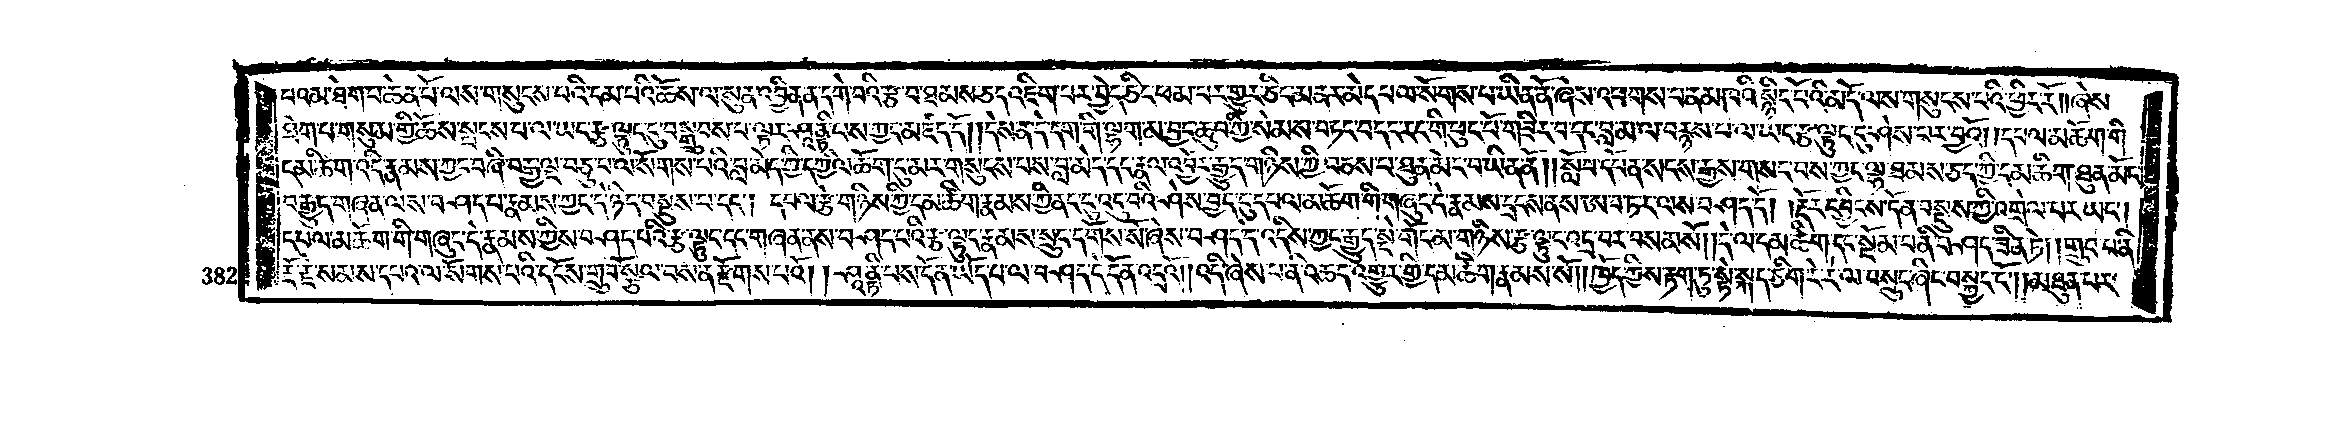པའམ་ཐེག་པ་ཆེན་པོ་ལས་གསུངས་པའི་དམ་པའི་ཆོས་ལ་སུན་འབྱིན་ན་དགེ་བའི་རྩ་བ་ཐམས་ཅད་འཇིག་པར་བྱེད་ཅིང་ཕམ་པར་གྱུར་ཅིང་མནར་མེད་པ་ལ་སོགས་པ་ཡིན་ནོ་ཞེས་འཕགས་པ་ནམ་མཁའི་སྙིང་པོའི་མདོ་ལས་གསུངས་པའི་ཕྱིར་རོ། །ཞེས་
ཐེག་པ་གསུམ་གྱི་ཆོས་སྤངས་པ་ལ་ཡང་རྩ་ལྟུང་དུ་བསྒྲུབས་པ་ལྟར་ཤཱནྟི་པས་ཀྱང་མཛད་དོ། །དེས་ན་དེ་དག་གི་ལྷག་མ་བྱང་ཆུབ་ཀྱི་སེམས་བཏང་བ་དང་རང་གི་ཕུང་པོ་གཟིར་བ་དང་བླ་མ་ལ་བརྙས་པ་ལ་ཡང་རྩ་ལྟུང་དུ་ཤེས་པར་བྱའོ། །དཔལ་མཆོག་གི་
དམ་ཚིག་འདི་རྣམས་ཀྱང་བཞི་བརྒྱ་ལྔ་བཅུ་པ་ལ་སོགས་པའི་བླ་མེད་ཀྱི་དཀྱིལ་ཆོག་དུ་མར་གསུངས་པས་བླ་མེད་དང་རྣལ་འབྱོར་རྒྱུད་གཉིས་ཀྱི་བཅས་པ་ཐུན་མོང་བ་ཡིན་ནོ། །སློབ་དཔོན་སངས་རྒྱས་གསང་བས་ཀྱང་ལྷ་ཐམས་ཅད་ཀྱི་དམ་ཚིག་ཐུན་མོང་
བ་རྒྱུད་གཞན་ལས་བཤད་པ་རྣམས་ཀྱང་དེ་ཉིད་བསྡུས་པ་དང་། དཔལ་རྩེ་གཉིས་ཀྱི་དམ་ཚིག་རྣམས་ཀྱི་ནང་དུ་འདུ་བའི་ཤེས་བྱད་དུ་དཔལ་མཆོག་གི་གཞུང་དེ་རྣམས་དྲངས་ནས་ཨ་བ་ཏ་ར་ལས་བཤད་དོ། །རྡོར་དབྱིངས་དོན་བསྡུས་ཀྱི་འགྲེལ་པར་ཡང་།
དཔལ་མཆོག་གི་གཞུང་དེ་རྣམས་ཀྱིས་བཤད་པའི་རྩ་ལྟུང་དང་གཞན་ནས་བཤད་པའི་རྩ་ལྟུང་རྣམས་སྲུང་དགོས་སོ་ཞེས་བཤད་དེ་འདིས་ཀྱང་རྒྱུད་སྡེ་གོང་མ་གཉིས་རྩ་ལྟུང་འདྲ་བར་བསམས་སོ། །དེ་ལ་དམ་ཚིག་དང་སྡོམ་པ་ནི་བཤད་ཟིན་ཏེ། །གྲུབ་པ་ནི་
རྡོ་རྗེ་སེམས་དཔའ་ལ་སོགས་པའི་དངོས་གྲུབ་སྩོལ་བས་ན་རྫོགས་པའོ། །ཤཱནྟི་པས་དོན་ཡོད་པ་ལ་བཤད་དེ་དོན་འདྲའོ། །འདི་ཞེས་པ་ནི་འཆད་འགྱུར་གྱི་དམ་ཚིག་རྣམས་སོ། །ཁྱོད་ཀྱིས་རྟག་ཏུ་སྟེ་སྐད་ཅིག་རེ་རེ་ལ་བསྲུང་ཞིང་བསྐྱང་ངོ། །མཐུན་པར་